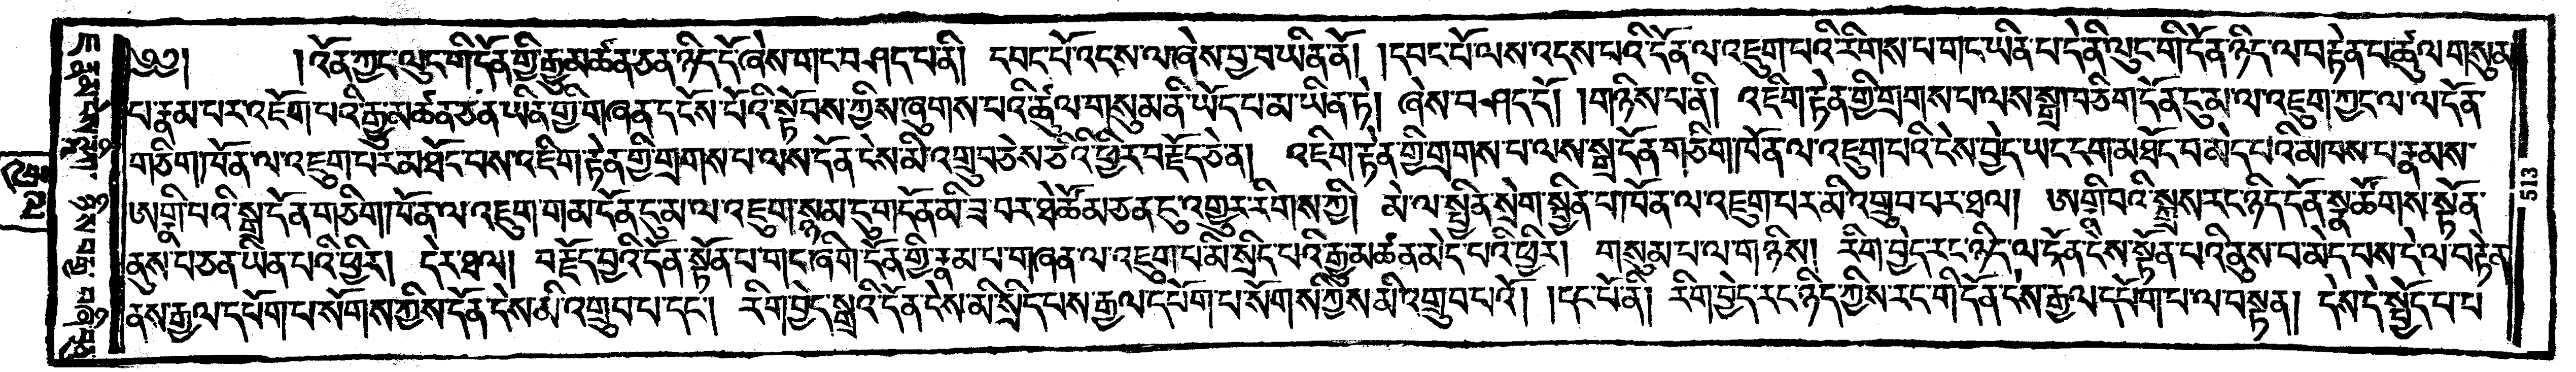༄༅། །འོན་ཀྱང་ལུང་གི་དོན་གྱི་རྒྱུ་མཚན་ཅན་ཉིད་དོ་ཞེས་གང་བཤད་པ་ནི། དབང་པོ་འདས་ལ་ཞེས་བྱ་བ་ཡིན་ནོ། །དབང་པོ་ལས་འདས་པའི་དོན་ལ་འཇུག་པའི་རིགས་པ་གང་ཡིན་པ་དེ་ནི་ལུང་གི་དོན་ཉིད་ལ་བརྟེན་པ་ཚུལ་གསུམ་
པ་རྣམ་པར་འཇོག་པའི་རྒྱུ་མཚན་ཅན་ཡིན་གྱི་གཞན་དངོས་པོའི་སྟོབས་ཀྱིས་ཞུགས་པའི་ཚུལ་གསུམ་ནི་ཡོད་པ་མ་ཡིན་ཏེ། ཞེས་བཤད་དོ། །གཉིས་པ་ནི། འཇིག་རྟེན་གྱི་གྲགས་པ་ལས་སྒྲ་ཁ་ཅིག་དོན་དུ་མ་ལ་འཇུག་ཀྱང་ལ་ལ་དོན་
གཅིག་ཁོ་ན་ལ་འཇུག་པར་མཐོང་བས་འཇིག་རྟེན་གྱི་གྲགས་པ་ལས་དོན་ངེས་མི་འགྲུབ་ཅེས་ཅིའི་ཕྱིར་བརྗོད་ཅེ་ན། འཇིག་རྟེན་གྱི་གྲགས་པ་ལས་སྒྲ་དོན་གཅིག་ཁོ་ན་ལ་འཇུག་པའི་ངེས་བྱེད་ཡང་དག་མཐོང་བ་མེད་པའི་མཁས་པ་རྣམས་
ཨགནི་པའི་སྒྲ་དོན་གཅིག་ཁོ་ན་ལ་འཇུག་གམ་དོན་དུ་མ་ལ་འཇུག་སྙམ་དུ་གདོན་མི་ཟ་བར་ཐེ་ཚོམ་ཅན་དུ་འགྱུར་རིགས་ཀྱི། མེ་ལ་སྦྱིན་སྲེག་སྦྱིན་པ་ཁོ་ན་ལ་འཇུག་པར་མི་འགྲུབ་པར་ཐལ། ཨགནི་བའི་སྒྲས་རང་ཉིད་དོན་སྣ་ཚོགས་སྟོན་
ནུས་པ་ཅན་ཡིན་པའི་ཕྱིར། དེར་ཐལ། བརྗོད་བྱའི་དོན་སྟོན་པ་གང་ཞིག་དོན་གྱི་རྣམ་པ་གཞན་ལ་འཇུག་པ་མི་སྲིད་པའི་རྒྱུ་མཚན་མེད་པའི་ཕྱིར། གསུམ་པ་ལ་གཉིས། རིག་བྱེད་རང་ཉིད་ལ་དོན་ངེས་སྟོན་པའི་ནུས་པ་མེད་པས་དེ་ལ་བརྟེན་
ནས་རྒྱལ་དཔོག་པ་སོགས་ཀྱིས་དོན་ངེས་མི་འགྲུབ་པ་དང་། རིག་བྱེད་སྒྲའི་དོན་ངེས་མི་སྲིད་པས་རྒྱལ་དཔོག་པ་སོགས་ཀྱིས་མི་འགྲུབ་པའོ། །དང་པོ་ནི། རིག་བྱེད་རང་ཉིད་ཀྱིས་རང་གི་དོན་ངེས་རྒྱལ་དཔོག་པ་ལ་བསྟན། དེས་དེ་སྤྱོད་པ་པ་